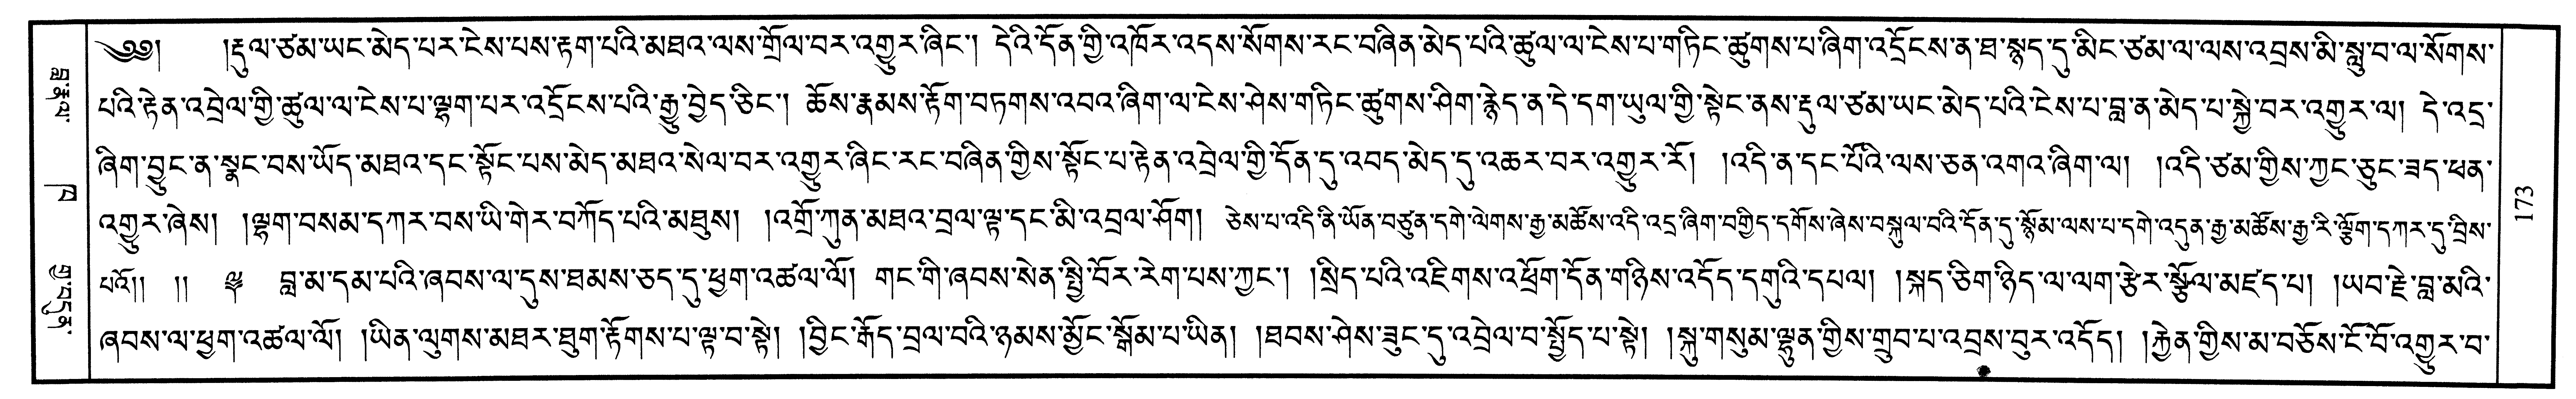༄༅། །རྡུལ་ཙམ་ཡང་མེད་པར་ངེས་པས་རྟག་པའི་མཐའ་ལས་གྲོལ་བར་འགྱུར་ཞིང་། དེའི་དོན་གྱི་འཁོར་འདས་སོགས་རང་བཞིན་མེད་པའི་ཚུལ་ལ་ངེས་པ་གཏིང་ཚུགས་པ་ཞིག་འདྲོངས་ན་ཐ་སྙད་དུ་མིང་ཙམ་ལ་ལས་འབྲས་མི་སླུ་བ་ལ་སོགས་
པའི་རྟེན་འབྲེལ་གྱི་ཚུལ་ལ་ངེས་པ་ལྷག་པར་འདྲོངས་པའི་རྒྱུ་བྱེད་ཅིང་། ཆོས་རྣམས་རྟོག་བཏགས་འབའ་ཞིག་ལ་ངེས་ཤེས་གཏིང་ཚུགས་ཤིག་རྙེད་ན་དེ་དག་ཡུལ་གྱི་སྟེང་ནས་རྡུལ་ཙམ་ཡང་མེད་པའི་ངེས་པ་བླ་ན་མེད་པ་སྐྱེ་བར་འགྱུར་ལ། དེ་འདྲ་
ཞིག་བྱུང་ན་སྣང་བས་ཡོད་མཐའ་དང་སྟོང་པས་མེད་མཐའ་སེལ་བར་འགྱུར་ཞིང་རང་བཞིན་གྱིས་སྟོང་པ་རྟེན་འབྲེལ་གྱི་དོན་དུ་འབད་མེད་དུ་འཆར་བར་འགྱུར་རོ། །འདི་ན་དང་པོའི་ལས་ཅན་འགའ་ཞིག་ལ། །འདི་ཙམ་གྱིས་ཀྱང་ཅུང་ཟད་ཕན་
འགྱུར་ཞེས། །ལྷག་བསམ་དཀར་བས་ཡི་གེར་བཀོད་པའི་མཐུས། །འགྲོ་ཀུན་མཐའ་བྲལ་ལྟ་དང་མི་འབྲལ་ཤོག། ཅེས་པ་འདི་ནི་ཡོན་བཙུན་དགེ་ལེགས་རྒྱ་མཚོས་འདི་འདྲ་ཞིག་བགྱིད་དགོས་ཞེས་བསྐུལ་བའི་དོན་དུ་སྙོམ་ལས་པ་དགེ་འདུན་རྒྱ་མཚོས་རྒྱ་རི་ལྕོག་དཀར་དུ་བྲིས་
པའོ།། །། ༈ བླ་མ་དམ་པའི་ཞབས་ལ་དུས་ཐམས་ཅད་དུ་ཕྱག་འཚལ་ལོ། གང་གི་ཞབས་སེན་སྤྱི་བོར་རེག་པས་ཀྱང་། །སྲིད་པའི་འཇིགས་འཕྲོག་དོན་གཉིས་འདོད་དགུའི་དཔལ། །སྐད་ཅིག་ཉིད་ལ་ལག་རྩེར་སྩོལ་མཛད་པ། །ཡབ་རྗེ་བླ་མའི་
ཞབས་ལ་ཕྱག་འཚལ་ལོ། །ཡིན་ལུགས་མཐར་ཐུག་རྟོགས་པ་ལྟ་བ་སྟེ། །བྱིང་རྒོད་བྲལ་བའི་ཉམས་མྱོང་སྒོམ་པ་ཡིན། །ཐབས་ཤེས་ཟུང་དུ་འབྲེལ་བ་སྤྱོད་པ་སྟེ། །སྐུ་གསུམ་ལྷུན་གྱིས་གྲུབ་པ་འབྲས་བུར་འདོད། །རྐྱེན་གྱིས་མ་བཅོས་ངོ་བོ་འགྱུར་བ་